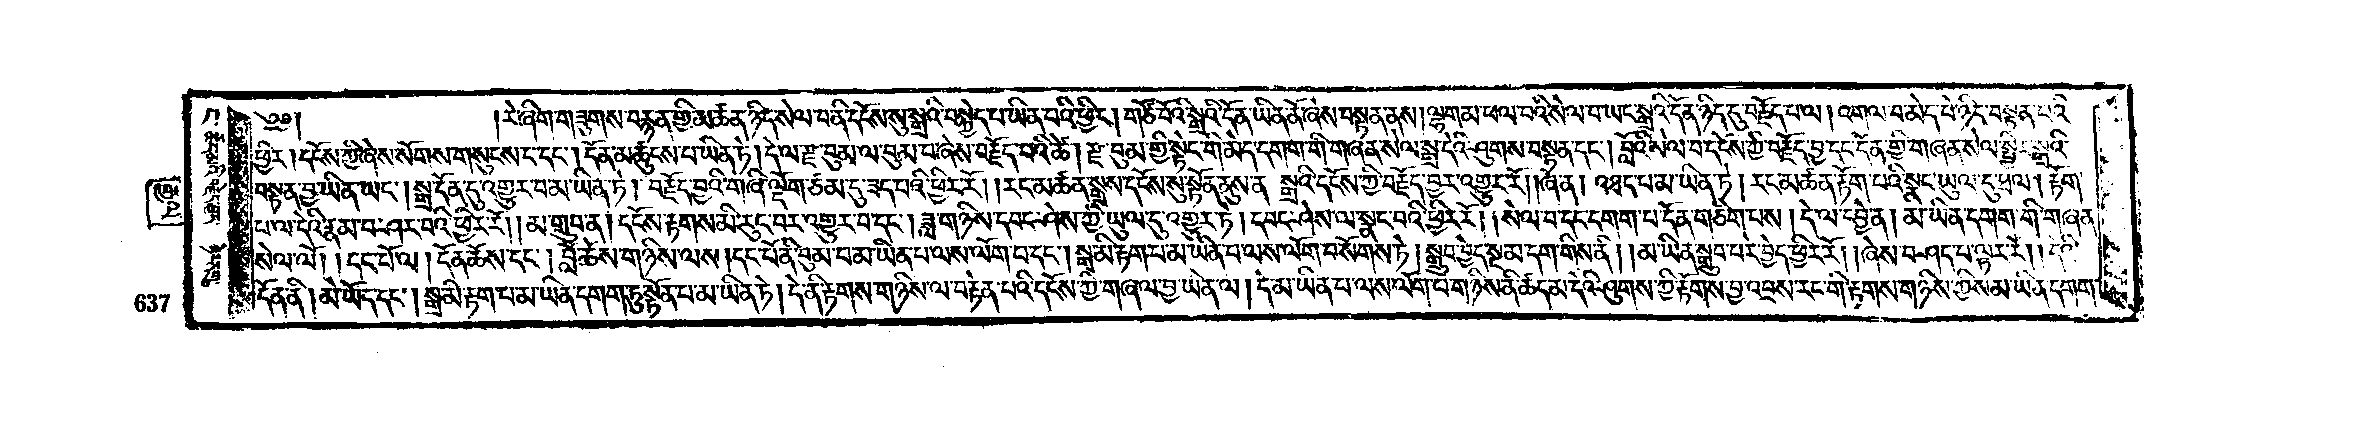༄༅། །རེ་ཞིག་གཟུགས་བརྙད་གྱི་མཚན་ཉིད་སེལ་བ་ནི་དངོས་སུ་སྒྲའི་བསྐྱེད་པ་ཡིན་པའི་ཕྱིར། གཙོ་བོའི་སྒྲའི་དོན་ཡིན་ནོ་ཞེས་བསྟན་ནས། ལྷག་མ་ཕལ་བའི་སེལ་བ་ཡང་སྒྲའི་དོན་ཉིད་དུ་བརྗོད་པ་ལ། འགལ་བ་མེད་པ་ཉིད་བསྟན་པའི་
ཕྱིར། དངོས་ཀྱི་ཞེས་སོགས་གསུངས་པ་དང་། དོན་མཚུངས་པ་ཡིན་ཏེ། དེ་ལ་རྫ་བུམ་ལ་བུམ་པ་ཞེས་བརྗོད་པའི་ཚེ། རྫ་བུམ་གྱི་སྟེང་གི་མེད་དགག་གི་གཞན་སེལ་སྒྲ་དེའི་ཤུགས་བསྟན་དང་། བློའི་སེལ་བ་དངོས་ཀྱི་བརྗོད་བྱ་དང་དོན་གྱི་གཞན་སེལ་སྤྱིར་སྒྲའི་
བསྟན་བྱ་ཡིན་ཡང་། སྒྲ་དོན་དུ་འགྱུར་བ་མ་ཡིན་ཏེ། བརྗོད་བྱའི་གཞི་ལྡོག་ཙམ་དུ་ཟད་པའི་ཕྱིར་རོ། །རང་མཚན་སྒྲས་དངོས་སུ་སྟོན་ནུས་ན། སྒྲའི་དངོས་ཀྱི་བརྗོད་བྱར་འགྱུར་རོ། །ཞེ་ན། འཐད་པ་མ་ཡིན་ཏེ། རང་མཚན་རྟོག་པའི་སྣང་ཡུལ་དུ་ཐལ། རྟོག་
པ་ལ་དེའི་རྣམ་པ་ཤར་བའི་ཕྱིར་རོ། །མ་གྲུབ་ནི། དངོས་རྟགས་མི་རུང་བར་འགྱུར་བ་དང་། ཟླ་གཉིས་དབང་ཤེས་ཀྱི་ཡུལ་དུ་འགྱུར་ཏེ། དབང་ཤེས་ལ་སྣང་བའི་ཕྱིར་རོ། །སེལ་བ་དང་དགག་པ་དོན་གཅིག་པས། དེ་ལ་དབྱེ་ན། མ་ཡིན་དགག་གི་གཞན་
སེལ་ལོ། །དང་པོ་ལ། དོན་ཆོས་དང་། བློ་ཆོས་གཉིས་ལས། དང་པོ་ནི་བུམ་པ་མ་ཡིན་པ་ལས་ལོག་པ་དང་། སྒྲ་མི་རྟག་པ་མ་ཡིན་པ་ལས་ལོག་པ་སོགས་ཏེ། སྒྲུབ་བྱེད་སྔ་མ་དག་གིས་ནི། །མ་ཡིན་སྒྲུབ་པར་བྱེད་ཕྱིར་རོ། །ཞེས་བཤད་པ་ལྟར་རོ། །དེའི་
དོན་ནི། མེ་ཡོད་དང་། སྒྲ་མི་རྟག་པ་མ་ཡིན་དགག་ཏུ་སྟོན་པ་མ་ཡིན་ཏེ། དེ་ནི་རྟགས་གཉིས་ལ་བརྟེན་པའི་དངོས་ཀྱི་གཞལ་བྱ་ཡིན་ལ། དེ་མ་ཡིན་ཨ་ལས་ལོག་པ་གཉིས་ནི་ཚད་མ་དེའི་ཤུགས་ཀྱི་རྟོགས་བྱ་འབྲས་རང་གི་རྟགས་གཉིས་ཀྱིས་མ་ཡིན་དགག་